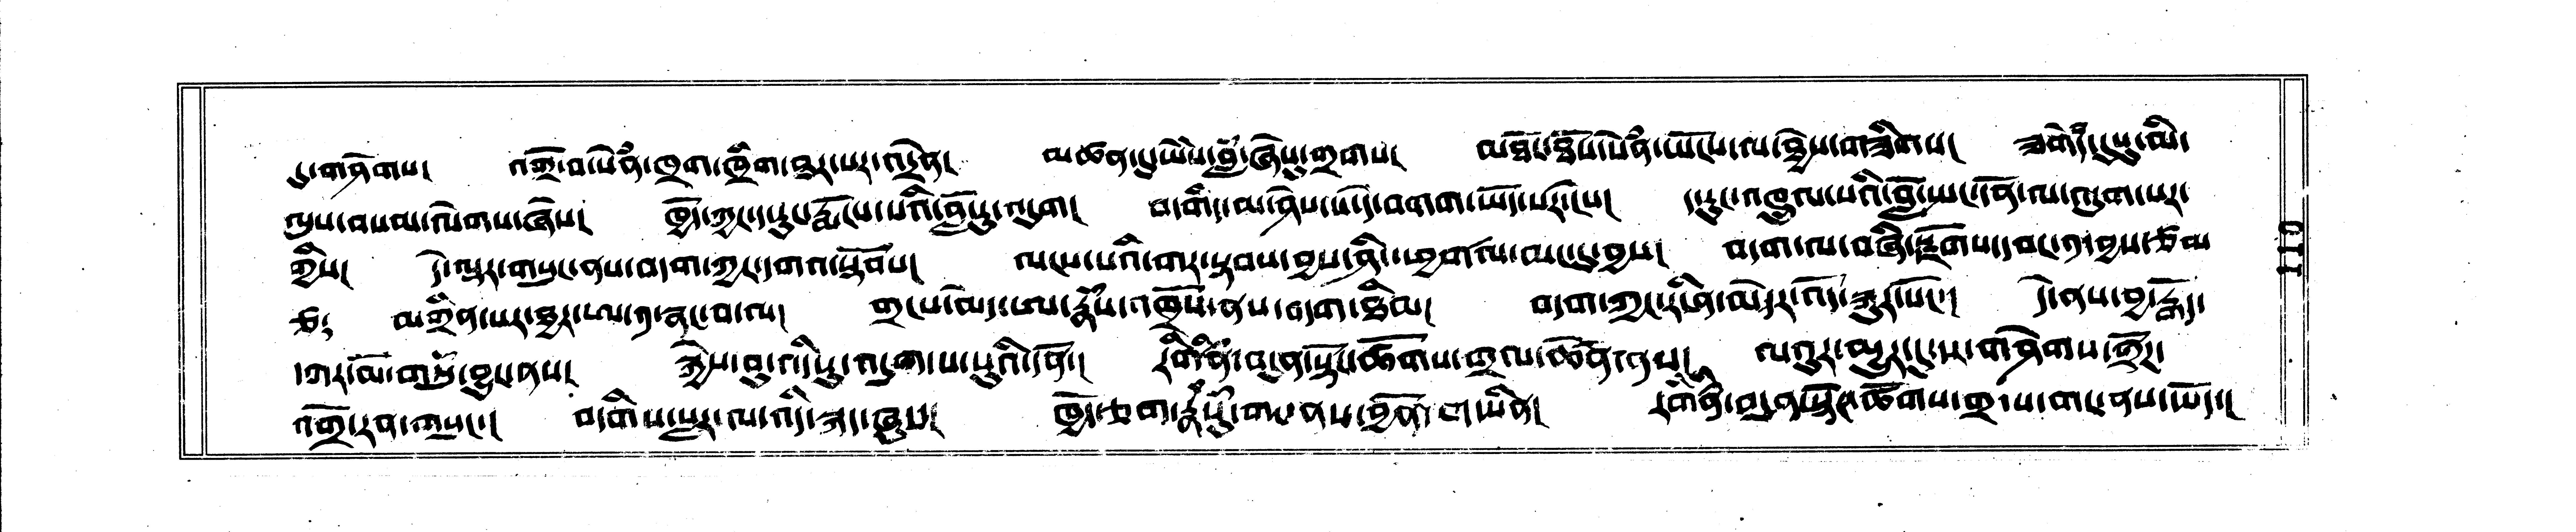དུ་གཤེགས། འགྲོ་བ་སེམས་ཅན་ཁྲག་ཁྲིག་ཐར་པར་འདྲེན། མཚན་དུ་ཡེ་ཤེས་བླ་མ་ཞེས་སུ་གྲགས། མཐོང་ཐོས་སེམས་ཅན་ཡོངས་ལ་ཐུགས་རྗེ་གཟིགས། ཟག་མེད་དུས་སུ་མི་
ལུས་བསམ་ལེགས་ཞེས། ཁྱོད་ཀྱང་ད་རུང་རྨོངས་པའི་བློ་རུ་འདུག བདག་ཉིད་མ་ཤེས་པ་དེ་བགག་༼༽ཡོད་པར་ངེས། ད་རུང་འཁྲུལ་པའི་བློ་ཡང་དོན་ལ་འདུག་པར་
གྱིས། དེ་ལྟར་གསུངས་ནས་བདག་ཀྱང་དགའ་སྟོབས༼བརྟས་སོ༽། ལངས་པའི་གར་སྟབས་བྱས་ཤིང་ཕྱག་འཚལ་མང་དུ་བྱས། བདག་ལ་བཞི་རྫོགས་དབང་གཅིག་བྱས་ཙམ་
ཙ། མགྲིན་པར་ཐུགས་ཁར་ཨ་གཅིག་སྣང་བ་ལ། གྲངས་མེད་ཨ་རྣམས་འཁྲོས་ནས་བདག་ཐིམ། བདག་ཀྱང་རང་བཞིན་མེད་པར་འོད་སྐུར་སོང་། དེ་ནས་བྱ་རྒོད་
དཀར་མོ་གསུམ་བྱུང་ནས། སྐྱེས་བུ་འདི་རུ་འདུག་པ་སུའི་དོན། རིག་འཛིན་བདུན་སྟོང་ཚོགས་གྲལ་ཆེན་པོ་ནས། ལ་འུར་མྱུར་དུ་དར་གཤེགས་གྲོགས་
འགྲོ་རན་གསུངས། བདག་གིས་སླར་ལ་འདི་སྐད་ཞུས། ཁྱོད་ཅག་རྣམས་སུ་གང་ནས་བྱོན་པ་ཡིན། རིག་འཛིན་བདུན་སྟོང་ཚོགས་གྲལ་གང་ནས་ཡོད།